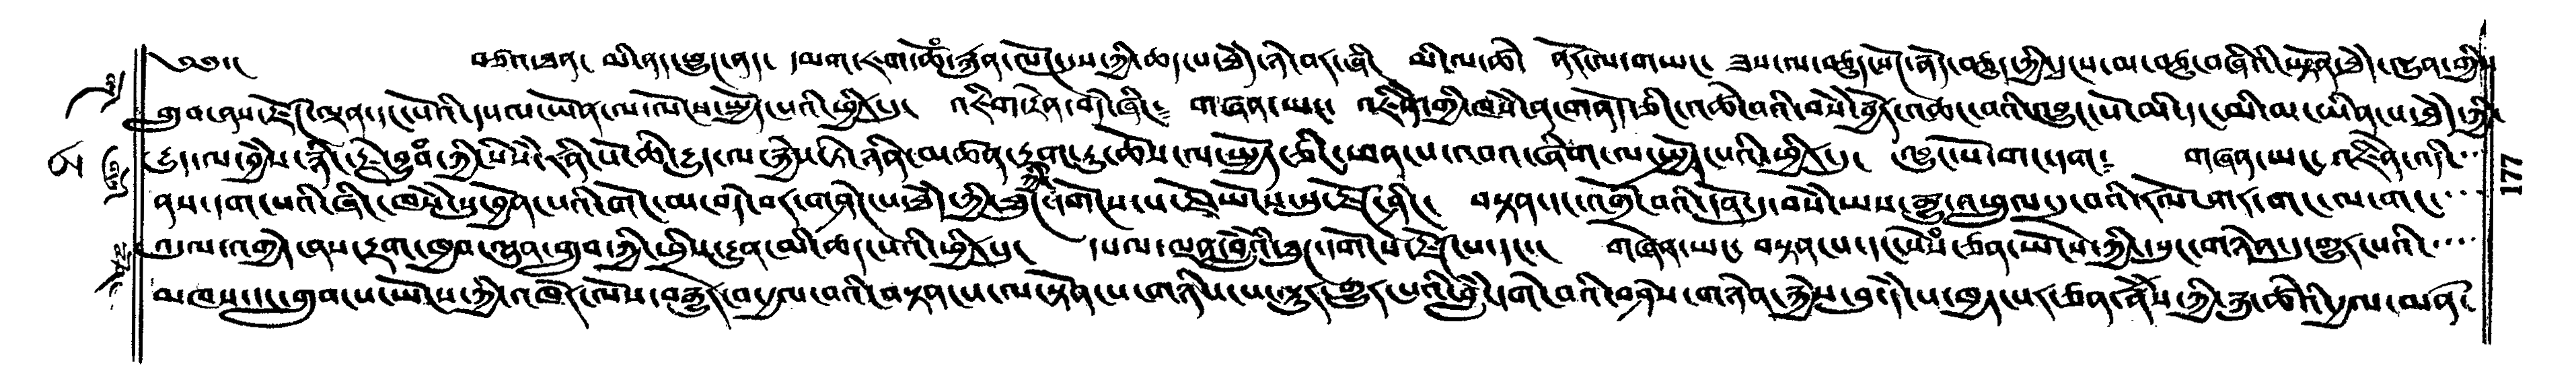བཙའ་ཐན། མི་ནད་ཕྱུགས་ནད། དམག་ཇག་ཆོམ་རྐུན་སོགས་དུས་ཀྱི་ཆད་པ་ཐམས་ཅད་ཉེ་བར་ཞི། མི་ལ་ཚེ། ནོར་ལ་གཡང་། ཟས་ལ་བཅུད་སོགས་སྣོད་བཅུད་ཀྱི་དྭངས་མ་བཅུ་བཞིའི་ཡོན་ཏན་ཐམས་ཅད་ལྷུན་གྱི་
གྲུབ་ནས་རྫོགས་ལྡན་དང་པོའི་དཔལ་ཡོན་ལ་ལོངས་སྤྱོད་པའི་ཕྱིར་དུ།འཇིག་རྟེན་བདེ་ཞིང༴ གཞན་ཡང་འཇིག་རྟེན་གྱི་ཁམས་ན་གནོད་ཅིང་འཚེ་བའི་བསམ་སྦྱོར་འཆང་བའི་འབྱུང་པོ་མི་དང་མི་མ་ཡིན་པ་ཐམས་ཅད་ཀྱི་
རྒྱུད་ལ་བྱམས་སྙིང་རྗེ་བྱང་ཆུབ་ཀྱི་སེམས་རིན་པོ་ཆེ་སྐྱེས་ཏེ་ཉིན་མཚན་རྟག་ཏུ་ཆོས་ལ་སྤྱོད་ཅིང་ཕན་པ་འབའ་ཞིག་ལ་སྤྱོད་པའི་ཕྱིར་དུ། འབྱུང་པོ་གང་དག༴ གཞན་ཡང་འཇིག་རྟེན་འདི་
ནས་དག་པའི་ཞིང་ཁམས་སུ་བྱོན་པའི་གོང་མ་བདེ་བར་གཤེགས་པ་ཐམས་ཅད་ཀྱི་ཐུགས་ཀྱི་དགོངས་པ་ཡོངས་སུ་རྫོགས་ཤིང་། བསྟན་དང་འགྲོ་བའི་དོན་དུ་བསམ་ཡས་སྒྱུ་འཕྲུལ་དྲྭ་བའི་རོལ་གར་གང་ལ་གང་
འདུལ་འགྱེད་ནས་རྟག་ཁྱབ་ལྷུན་གྲུབ་ཀྱི་ཕྲིན་ལས་རྒྱུན་མི་ཆད་པའི་ཕྱིར་དུ། དཔལ་ལྡན་བླ་མའི་ཐུགས་དགོངས༴ གཞན་ཡང་བསྟན་པ་དང་སེམས་ཅན་ཡོངས་ཀྱི་དཔུང་གཉེན་དུ་གྱུར་པའི་
མཁས་དང་གྲུབ་པ་ཡོངས་ཀྱི་འཁོར་ལོས་བསྒྱུར་བ་རྒྱལ་བའི་བསྟན་པ་ལ་སྟོན་པ་གཉིས་པ་ལྟ་བུར་གྱུར་པའི་བླ་མ་དགེ་བའི་བཤེས་གཉེན་སྐྱེས་བུ་དམ་པ་ཁྱད་པར་ཅན་རྣམས་ཀྱི་སྐུ་ཚེའི་རྒྱལ་མཚན་